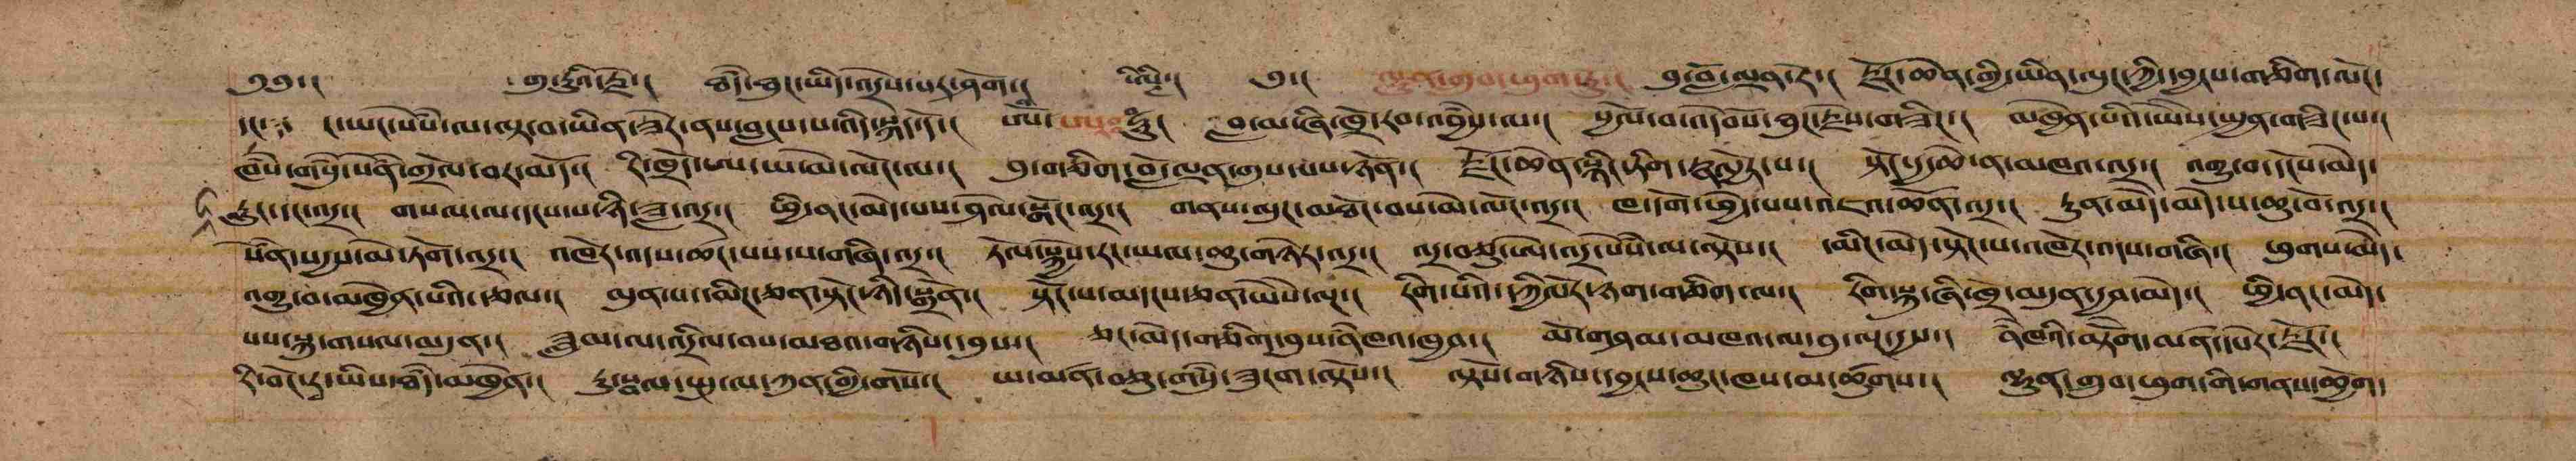༄༅་། གུ་རུའི་རྗེ། ཐམས་ཅད་ཐུགས་ཡིད་འདྲེས་པར་ཤོག། ཨིཊི། ༄་། ལྷུན་གྲུབ་ཕུག་ཏུ། བུ་བློ་ལྡན་རེ། རྫོགས་ཆེན་གྱི་ཡིན་ལུགས་ཀྱི་དབྱངས་གཅིག་ལོང་
དང་༑ ང་ཡང་སེམས་ལ་ལྟ་བ་ཡིན་ཟེར་ནས་བླངས་པ་འདི་སྐད་དོ། ཨོཾ་ཨཿཧཱུཾ། བླ་མ་ཞི་ཁྲོ་རབ་འབྱམས་མ། གསོལ་བ་འདེབས་སོ་ཐུགས་རྗེས་གཟིགས། མཁྱེན་པའི་ཡེ་ཤེས་སྤྱན་གཟིགས་པ། 
ཁམས་གསུམ་སེམས་ཅན་གྲོལ་བར་མཛོད། རི་ཁྲོད་ཨ་ཡ་མེ་ལོང་ལ། བུ་གཅིག་བློ་ལྡན་གུས་པས་ཉོན། རྫོགས་ཆེན་སྙིང་ཏིག་རྣལ་འབྱོར་པ། སྟོང་རྒྱ་ཆེན་ན་མཁའ་འདྲ། འགྱུ་བ་དངོས་མེད་
དྒྱུར་དང་འདྲ། གསལ་ལ་དངས་པ་ཉི་ཟླ་འདྲ། ཕྱི་ནང་མེད་པས་ཤེལ་སྒོང་འདྲ། གནས་ལུགས་མཐོང་བས་མེ་ལོང་འདྲ། ཁ་དོག་ཕྱེད་པས་འཇའ་ཚོན་འདྲ། དྱུན་མེད་མེད་པ་ཆུ་བོ་འདྲ། 
སེམས་ཅན་སངས་རྒྱས་མེ་ཏོག་འདྲ། འཁོར་འདས་ཚང་པས་ས་གཞི་འདྲ། ཏོལ་སྐྱེས་རང་ཡལ་ཆུ་གཉེར་འདྲ། འདྲ་བཅུ་ཨེ་འདྲ་སེམས་ལ་ལྟོས། དམིགས་མེད་སྟོང་པ་འཁོར་འདས་གཞི། ཕུགས་མེད་
འགྱུ་བ་མཁྱེན་པའི་རྩལ། མུན་པ་དམིགས་ཅན་སྟོང་ཉིད་སྒྲོན། སྟོང་པ་མདངས་ཅན་ཡེ་ཤེས་ལྔ། རིག་པའི་དཀྱིལ་འཁོར་ཉག་གཅིག་ལ། རིག་སྐུ་ཞི་ཁྲོ་མདུན་རྒྱབ་མེད། ཕྱི་ནང་མེད་
པས་སྐུ་གསལ་མདུན། ཟླུམ་ལ་འདྲིལ་བས་མཐའ་གཉིས་དབུས། ཅང་མེད་གཅིག་བུ་ནམ་མཁའ་ཁྱབ། མོ་གཤམ་མཁའ་ལ་བུ་ལྔ་རྒྱས། ནམ་མཁའི་མེ་ཏོག་མཚན་དཔེར་རྫོགས། 
རི་བོང་རྭ་ཡིས་ཐམས་ཅད་མཁྱེན། རུ་སྦལ་སྤུ་ལ་ཀུན་གྱི་གསོ། ཡ་མཚན་བཅུ་གསུམ་ཟུང་འཇུག་ལྟོས། ལྟོས་གཉིས་དབྱངས་ཆུང་ཁས་མ་ཚུགས། ལྷུན་གྲུབ་ཕུག་གི་གནས་ཚྱོག་